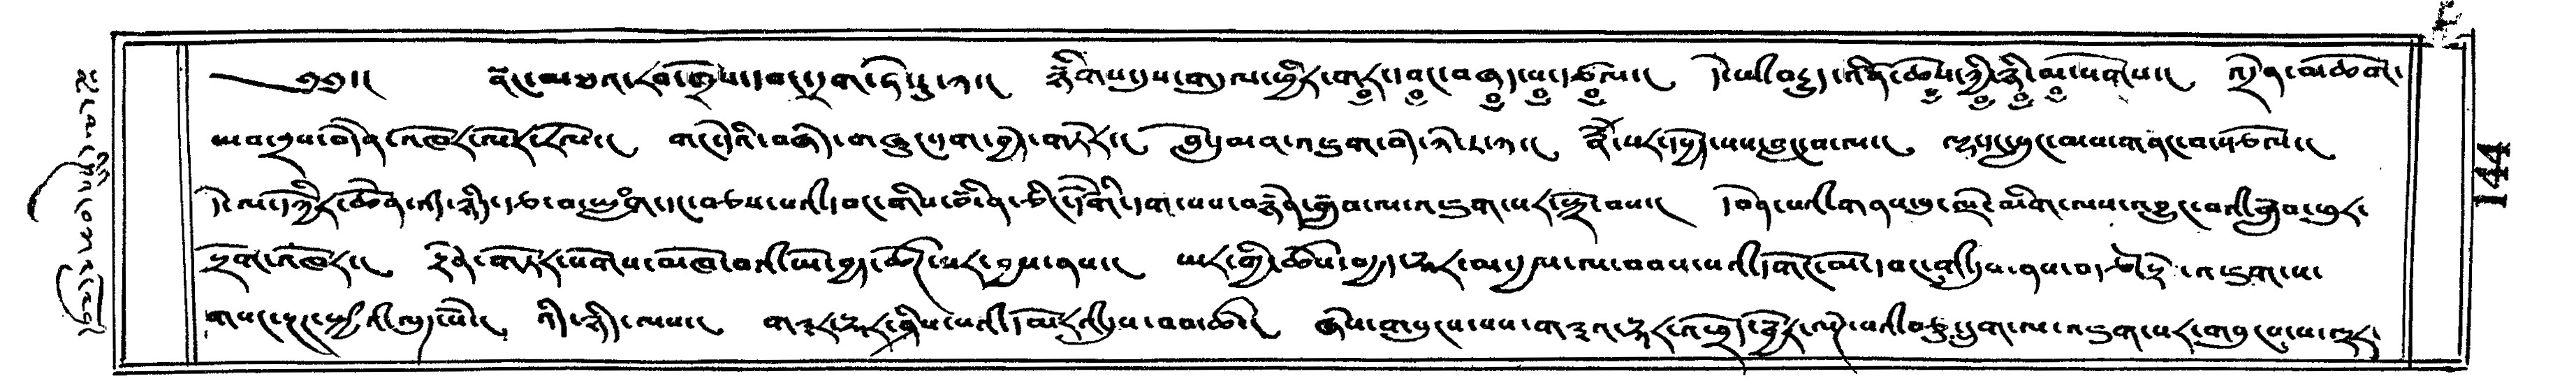སྣང་མཐའ་རབ་ཁྲོས་དབང་དྲག་ཧེ་རུ་ཀ། །སྙིགས་དུས་འདུལ་ཕྱིར་གར་དབང་བཞད་པ་རྩལ། །དེ་ཡི་བརྒྱུད་འཛིན་ཆོས་ཀྱི་ཉི་མ་སོགས། །འདྲེན་མཆོག་
ཡབ་སྲས་བདེ་ཆེན་འཁོར་ལོར་རོལ། །གང་དེའི་བཞེད་གཞུང་དག་བྱེད་གཏོར། །བློ་དམན་འཇུག་བདེ་ཀེ་ཏ་ཀ། །རྣམ་པར་དཔྱོད་པས་བླང་བ་ལ། ལྷ་དང་སྲུང་མས་གནང་བ་སྩོལ། །
དེ་ལ་དཀྱིལ་འཁོར་ཆེན་པོ་འདི་ཉིད་རྩ་བ་ཡན་ལག་དང་བཅས་པའི་དབང་གིས་སྨིན་ཅིང་དམ་ཚིག་དག་པས་བསྙེན་སྒྲུབ་ལ་འཇུག་པར་སྤྲོ་བས། དབེན་པའི་གནས་སུ་ལྡེ་མིག་ལས་འབྱུང་བའི་སྒྲུབ་ཕུར་
སྲོག་འཁོར། རྟེན་གཏོར་སོགས་མཁོ་བའི་ཡོ་བྱད་ཚོགས་པར་བྱས་ནས། ཡར་གྱི་ཚེས་བརྒྱད་སྐར་མ་རྒྱལ་ལ་བབས་པའི་དགོང་མོ་དབང་གི་དུས་ནས་བརྩམས་སྟེ་འཇུག་པ་
གསང་སྔགས་སྤྱིའི་ལུགས་སམ། འདི་ཉིད་ལས། གཟའ་སྐར་ཤིས་པའི་དམར་པོའི་དུས་བབ་ཚེ། །ཞེས་གསུངས་པས་གཟའ་སྐར་འཕྲོད་སྦྱོར་ལེགས་པའི་བཅུ་དྲུག་ལ་འཇུག་པར་གསུངས་པ་ལྟར་